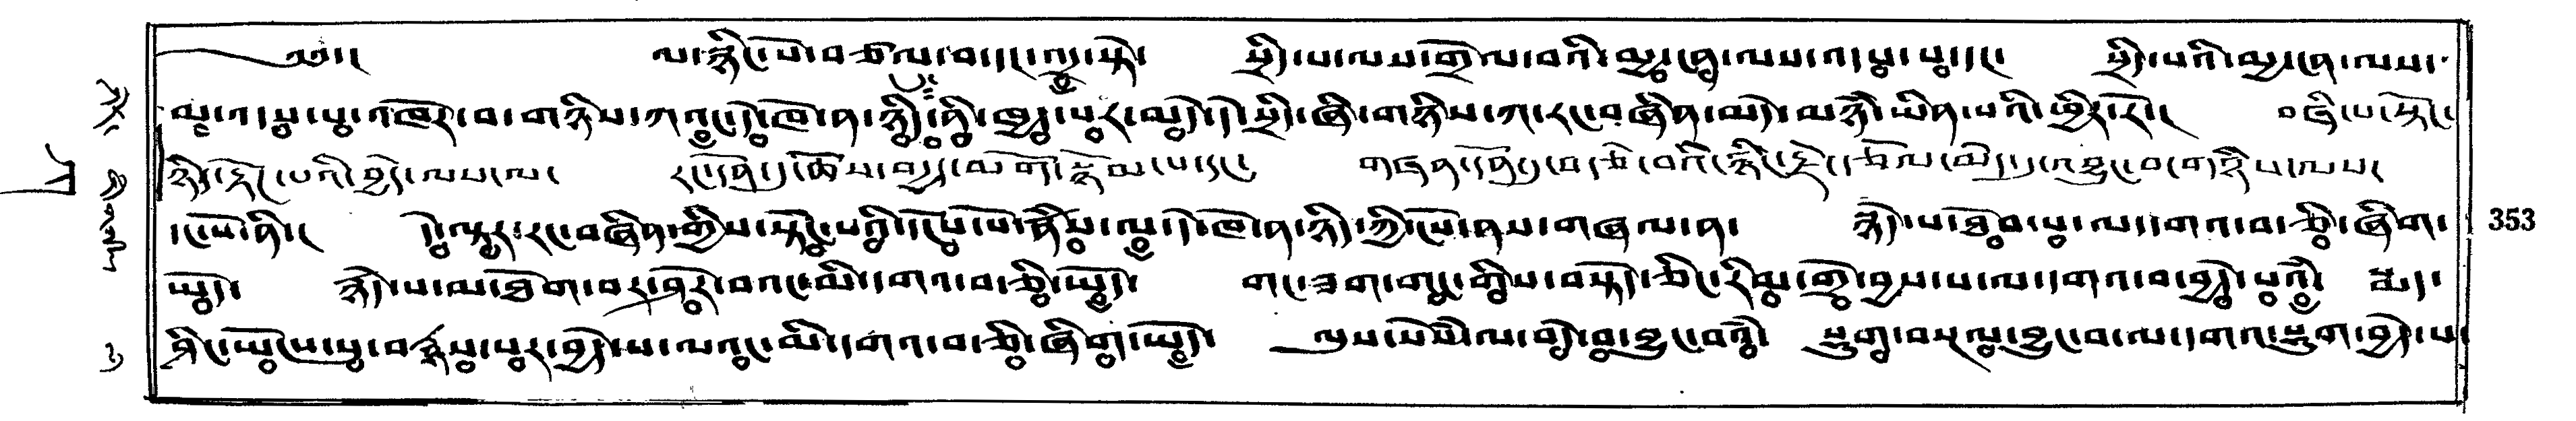ལ་སྙིང་པོ་བཙལ་བ་དང་འདྲ་སྟེ།སྲིད་པ་ལས་གྲོལ་བའི་མྱ་ངན་ལས་འདས་པ་དང་། སྲིད་པའི་མྱ་ངན་ལས་
མ་འདས་པ་འཁོར་བ་གཉིས་ཀའང་དེ་ཁོ་ན་ཉིད་ནི་ཁྱད་པར་མེད་དེ་སྲིད་ཞི་གཉིས་ཀ་རང་བཞིན་མེད་མཉམ་ཡིན་པའི་ཕྱིར་རོ།། བཞི་པ་སྟོང་
ཉིད་རྟོགས་པའི་བྱེད་ལས་ལ། རང་དོན་དུ་ཆོས་བརྒྱད་མགོ་སྙོམས་པ་དང་། གཞན་དོན་དུ་བརྩེ་བའི་སྙིང་རྗེ་རྩོལ་མེད་དུ་འབྱུང་བ་གཉིས་ལས། 
དང་པོ་ནི། དེ་ལྟར་རང་བཞིན་གྱིས་སྟོང་པའི་དངོས་པོ་རྣམས་ལ་དེ་ཁོ་ན་ཉིད་ཀྱི་ངོས་ནས་གཞལ་ན། རྙེད་པ་ཐོབ་པ་ལ་དགའ་བ་ཅི་ཞིག་
ཡོད། རྙེད་པ་མ་ཐོབ་པར་ཤོར་བ་ལའང་མི་དགའ་བ་ཅི་ཡོད། གང་ཟག་གང་གིས་བསྟོད་ཅིང་རིམ་གྲོ་བྱས་པ་ལ་དགའ་བ་བྱེད་པའམ། སྨད་
ཅིང་ཡོངས་སུ་བརྙས་པར་བྱེད་པ་ལའང་མི་དགའ་བ་ཅི་ཞིག་ཡོད། ལུས་སེམས་ལ་བདེ་བ་བྱུང་བའམ། སྡུག་བསྔལ་བྱུང་བ་ལ་དགའ་སྡུག་བྱེད་པ་